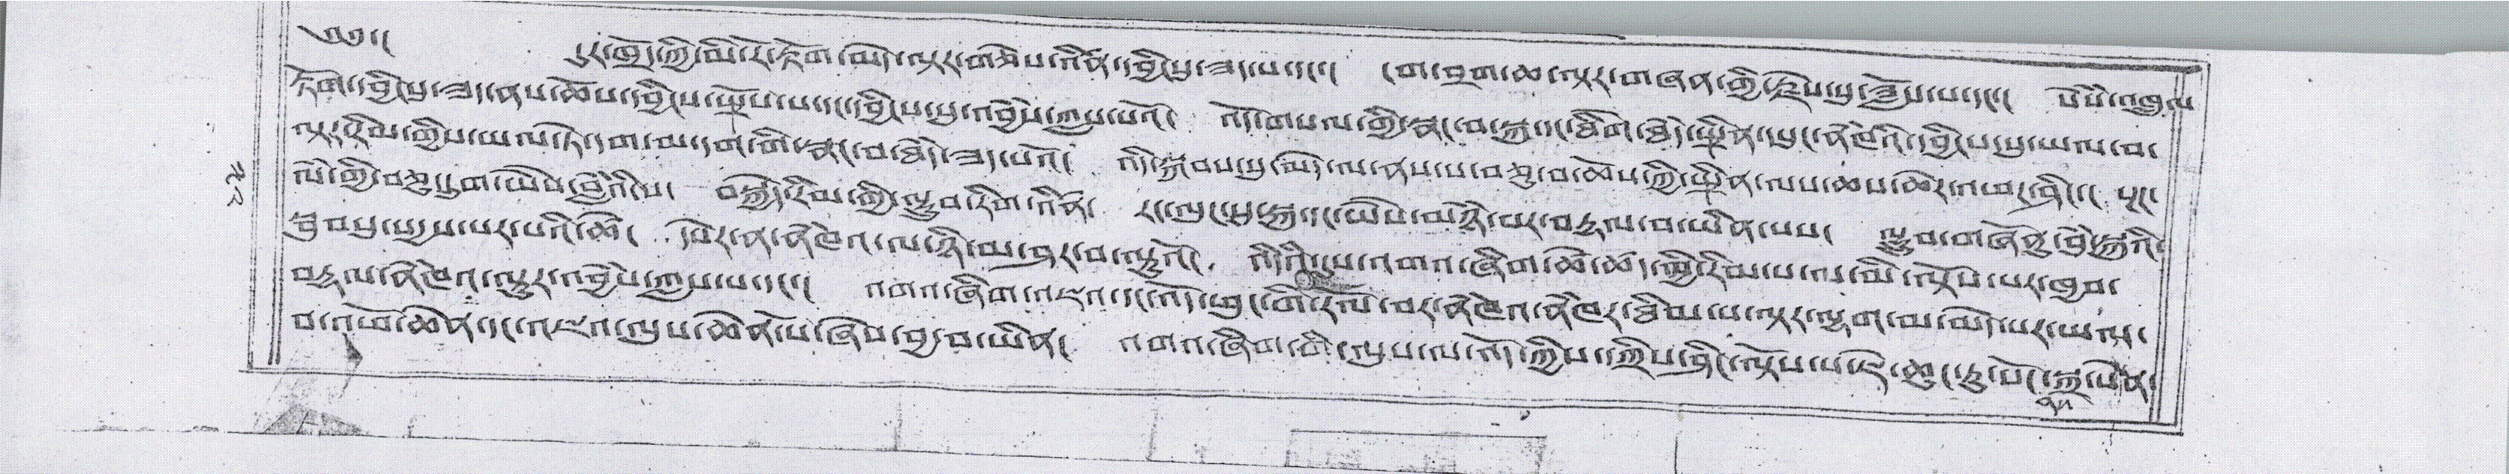དུར་ཁྲོད་ཀྱི་མི་རོ་རྟོག་མེད་ལྟར་གཅེས་འཛིན་དབྱིངས་སུ་ཟད་པ་དང་། ངག་བྲག་ཆ་ལྟར་གཞན་གྱི་རྗེས་སུ་ཟློས་པ་དང་། སེམས་འཁྲུལ་
རྟོག་དབྱིངས་སུ་ཟད་ནས་ཆོས་དབྱིངས་སྤྲོས་པ་དང་དབྱིངས་སུ་འབྱམས་ཀླས་པའོ། འོད་གསལ་གྱི་སྣང་བ་སྐུ་དང་ཐིག་ལེ་ཐམས་ཅད་སྤྲིན་དཔུང་ནམ་མཁའི་དབྱིངས་སུ་ཡལ་བ་
ལྟར་རིམ་གྱིས་ཡལ་ཏེ་དག་མ་དག་གི་སྣང་བ་ཐམས་ཅད་ཟད་པའོ། འདི་སྐབས་སུ་མདོ་ལམ་གྱི་ས་བཅུ་པ་ཆོས་ཀྱི་སྤྲིན་ལས་ཆེས་ཆེར་འཕགས་ཤིང་། སྔགས་
ལམ་གྱི་བཅུ་དྲུག་ཡེ་ཤེས་བླ་མའི་ས། བསྐྱེད་རིམ་གྱི་ལྷུན་གྲུབ་རིག་འཛིན། རང་ལུགས་སུ་སྐུ་དང་ཡེ་ཤེས་མཉམ་པར་བརྡལ་བ་ཡིན་པས། ལྷུན་གྲུབ་གཞོན་ནུ་བུམ་པའི་སྐུའི་
སྦུབས་སུ་སངས་རྒྱས་པའི་ཚེ། དཔེར་ན་ནམ་མཁའ་ལ་ཉི་མ་ཤར་བ་ལྟ་བུའོ། འདིའི་དུས་འགའ་ཞིག་ཚེ་ཚད་ཀྱི་རིམ་པ་ལ་མི་ལྟོས་པར་ཁྱབ་
བརྡལ་ནམ་མཁའ་ལྟ་བུར་འབྱམས་ཀླས་པ་དང་། འགའ་ཞིག་འཇའ་དང་འོད་ཕུང་གི་རོལ་པར་ནམ་ནམ་མཁར་ཐིམ་པ་ལྟར་ལྷག་མ་མེད་པར་ཡལ་
བ་འཕོ་ཆེན་དང་འཇའ་ལུས་ཆེན་པོ་ཞེས་བྱ་བ་ཡིན། འགའ་ཞིག་གི་ལུས་ལ་འོད་ཀྱིས་དཀྲིས་ཤིང་ལྟོས་པ་ཇེ་ཆུང་དུ་སོང་ནས་སྐྲ་སེན་